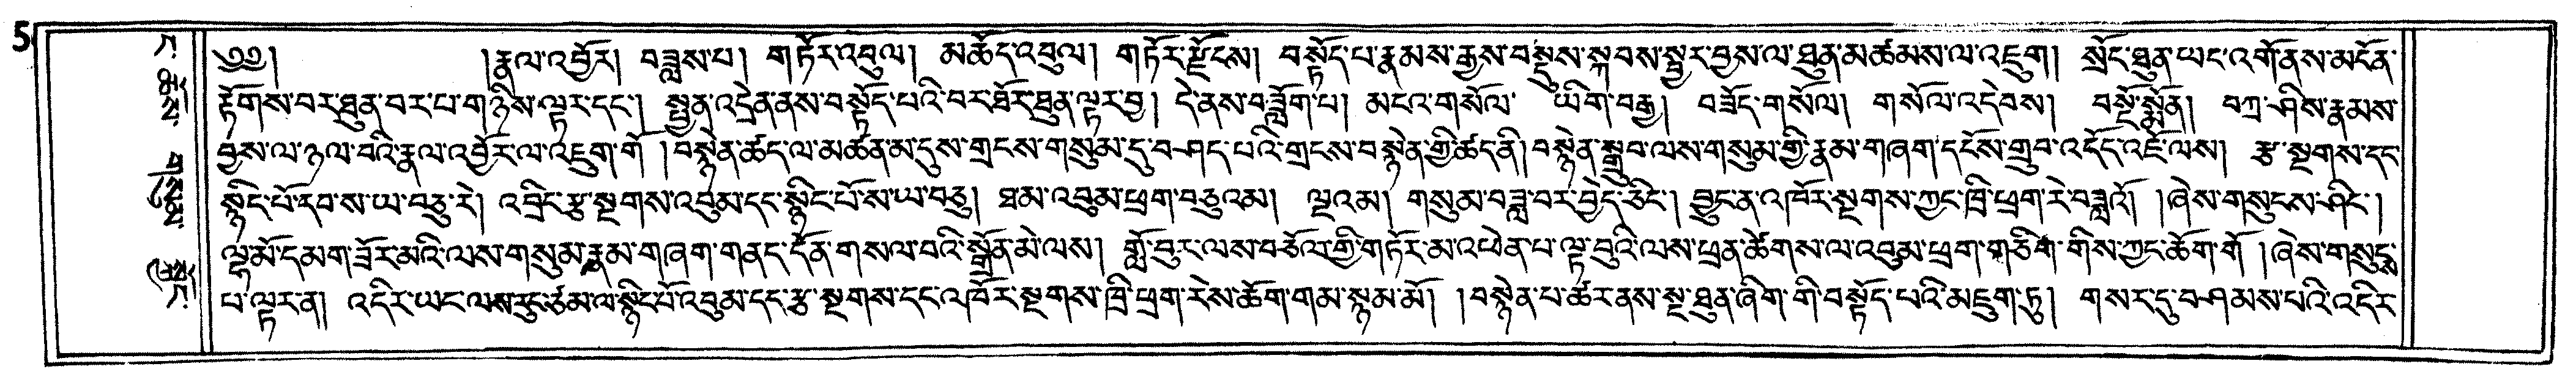༄༅། །རྣལ་འབྱོར། བཟླས་པ། གཏོར་འབུལ། མཆོད་འབུལ། གཏོར་རྫོངས། བསྟོད་པ་རྣམས་རྒྱས་བསྡུས་སྐབས་སྦྱར་བྱས་ལ་ཐུན་མཚམས་ལ་འཇུག །སྲོང་ཐུན་ཡང་འགོ་ནས་མངོན་
རྟོགས་པར་ཐུན་པར་པ་གཉིས་ལྟར་དང་། སྤྱན་འདྲེན་ནས་བསྟོད་པའི་བར་ཐོར་ཐུན་ལྟར་བྱ། དེ་ནས་བཟློག་པ། མངའ་གསོལ་ཡིག་བརྒྱ། བཟོད་གསོལ། གསོལ་འདེབས། བསྔོ་སྨོན། བཀྲ་ཤིས་རྣམས་
བྱས་ལ་ཉལ་བའི་རྣལ་འབྱོར་ལ་འཇུག་གོ །བསྙེན་ཚད་ལ་མཚན་མ་དུས་གྲངས་གསུམ་དུ་བཤད་པའི་གྲངས་བསྙེན་གྱི་ཚད་ནི། བསྙེན་སྒྲུབ་ལས་གསུམ་གྱི་རྣམ་གཞག་དངོས་གྲུབ་འདོད་འཇོ་ལས། རྩ་སྔགས་དང་
སྙིང་པོ་རབ་ས་ཡ་བཅུ་རེ། འབྲིང་རྩ་སྔགས་འབུམ་དང་སྙིང་པོ་ས་ཡ་བཅུ། ཐ་མ་འབུམ་ཕྲག་བཅུའམ། ལྔའམ། གསུམ་བཟླ་བར་བྱེད་ཅིང་། བྱུང་ན་འཁོར་སྔགས་ཀྱང་ཁྲི་ཕྲག་རེ་བཟླའོ། །ཞེས་གསུངས་ཤིང་།
ལྷ་མོ་དམག་ཟོར་མའི་ལས་གསུམ་རྣམ་གཞག་གནད་དོན་གསལ་བའི་སྒྲོན་མེ་ལས། གློ་བུར་ལས་བཅོལ་གྱི་གཏོར་མ་འཕེན་པ་ལྟ་བུའི་ལས་ཕྲན་ཚེགས་ལ་འབུམ་ཕྲག་གཅིག་གིས་ཀྱང་ཆོག་གོ །ཞེས་གསུངས་
པ་ལྟར་ན། འདིར་ཡང་ལས་རུང་ཙམ་ལ་སྙིང་པོ་འབུམ་དང་རྩ་སྔགས་དང་འཁོར་སྔགས་ཁྲི་ཕྲག་རེས་ཆོག་གམ་སྙམ་མོ། །བསྙེན་པ་ཚར་ནས་སྔ་ཐུན་ཞིག་གི་བསྟོད་པའི་མཇུག་ཏུ། གསར་དུ་བཤམས་པའི་འདིར་